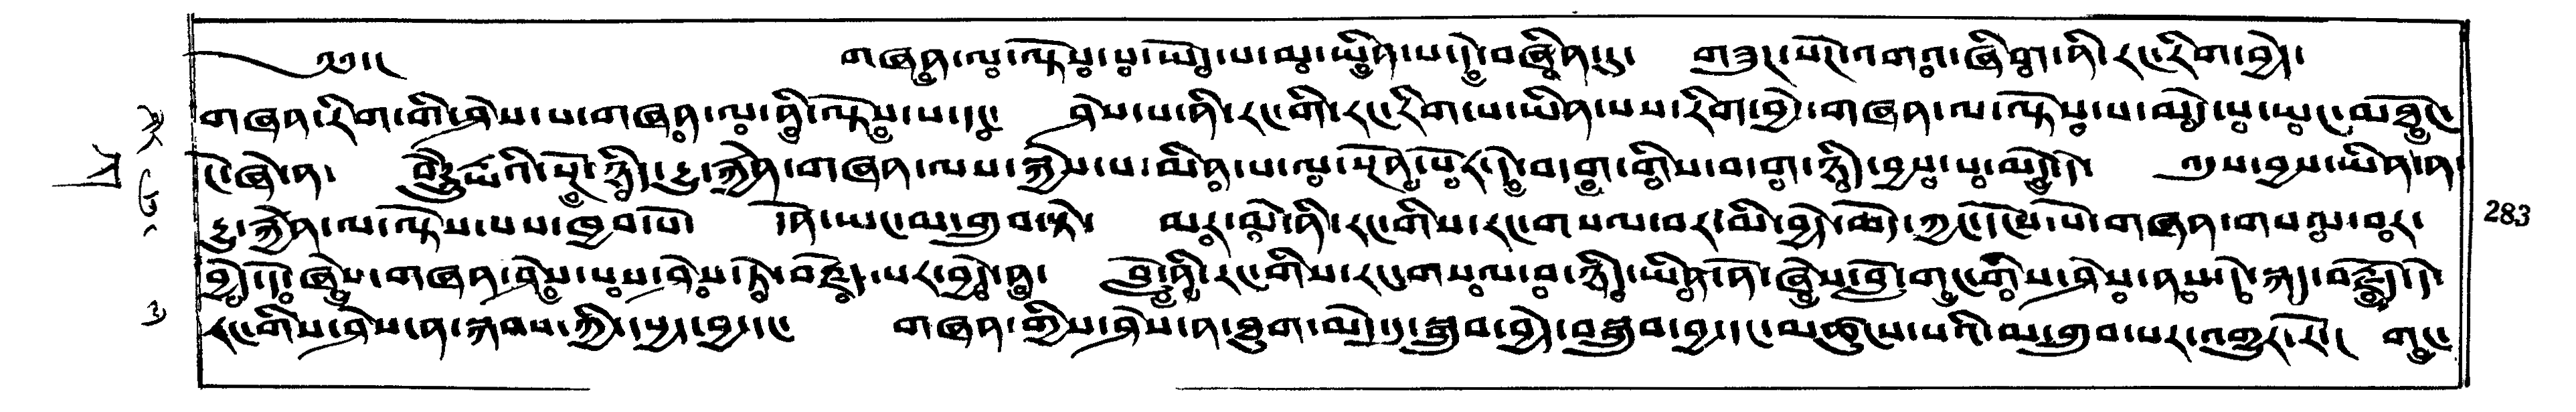གཞན་ལ་ལྟོས་པ་ཡོད་པ་མ་ཡིན་པ་དེ་བཞིན་དུ།གཟུགས་སོགས་འགའ་ཞིག་ནི་རང་རིག་བྱེད། 
གཞན་རིག་གི་ཤེས་པ་གཞན་ལ་ནི་ལྟོས་པ་དང་། ཤེས་པ་ནི་རང་གི་རང་རིག་པ་ཡིན་པས་རིག་བྱེད་གཞན་ལ་ལྟོས་པ་མེད་པ་ཡང་མཐོང་
ངོ་ཞེ་ན། བཻཌཱུརྻའི་སྔོ་ཉིད་རྒྱུ་རྐྱེན་གཞན་ལས་སྐྱེས་པ་མིན་པ་ལ་སྔོན་པོར་དེ་བདག་གིས་བདག་ཉིད་བྱས་པ་མེད་དེ། འདུས་བྱས་ཡིན་ན་
རྒྱུ་རྐྱེན་ལ་ལྟོས་པས་ཁྱབ་བོ། དོན་ཡང་མ་གྲུབ་སྟེ། མར་མེ་ནི་རང་གིས་རང་གསལ་བར་མི་བྱེད་མོད་ཀྱང་དངོས་པོ་གཞན་གསལ་བར་
བྱེད་དོ་ཞེས་གཞན་ཤེས་པས་ཤེས་ཏེ་བརྗོད་པར་བྱེད་ན། བློ་ནི་རང་གིས་རང་གསལ་བ་ཉིད་ཡིན་ནོ་ཞེས་བློ་གང་གིས་ཤེས་ནས་དེ་སྐད་བརྗོད་དེ་
རང་གིས་ཤེས་ན་སྐབས་ཀྱི་དཔྱད་བྱ་དང་། གཞན་གྱིས་ཤེས་ན་ཐུག་མེད་དུ་སྒྲུབ་བྱེད་བསྒྲུབ་བྱ་དང་མཚུངས་པའི་མ་གྲུབ་པར་འགྱུར་རོ། གང་